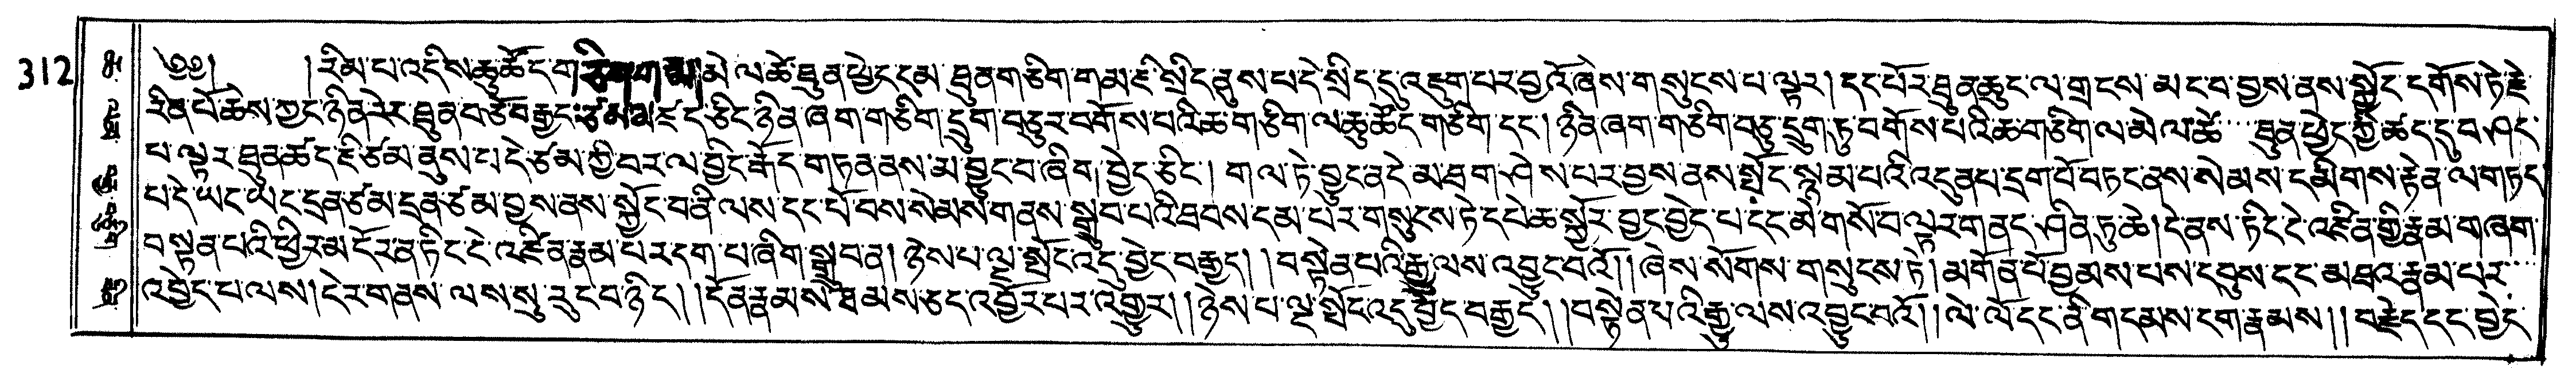༄༅། །རིམ་པ་འདིས་ཆུ་ཚོད་གཅིག་གམ། མེ་ལ་ཚེ་ཐུན་ཕྱེད་དམ་ཐུན་གཅིག་གམ་ཇི་སྲིད་ནུས་པ་དེ་སྲིད་དུ་འཇུག་པར་བྱའོ་ཞེས་གསུངས་པ་ལྟར། དང་པོར་ཐུ་ན་ཆུང་ལ་གྲངས་མང་བ་བྱས་ནས་སྐྱོང་དགོས་ཏེ་རྗེ་
རིན་པོ་ཆེས་ཀྱང་ཉིན་རེར་ཐུན་བཅོ་བརྒྱད་ཙམ་མཛད་ཅིང་ཉིན་ཞག་གཅིག་དྲུག་བཅུར་བགོས་པའི་ཆ་གཅིག་ལ་ཆུ་ཚོད་གཅིག་དང་། ཉིན་ཞག་གཅིག་བཅུ་དྲུག་ཏུ་བགོས་པའི་ཆ་གཅིག་ལ་མེལ་ཚེ་ཐུན་ཕྱེད་ཀྱི་ཚད་དུ་བཤད་
པ་ལྟར་ཐུན་ཚད་ཇི་ཙམ་ནུས་པ་དེ་ཙམ་གྱི་བར་ལ་བྱིང་རྒོད་གཏན་ནས་མ་བྱུང་བ་ཞིག་བྱེད་ཅིང་། གལ་ཏེ་བྱུང་ན་དེ་མ་ཐག་ཤེས་པར་བྱས་ནས་སྤོང་སྙམ་པའི་འདུན་པ་དྲག་པོ་བཏང་ནས་སེམས་དམིགས་རྟེན་ལ་གཏད་
པ་དེ་ཡང་ཡང་དྲན་ཙམ་དྲན་ཙམ་བྱས་ནས་སྐྱོང་བ་ནི་ལས་དང་པོ་བས་སེམས་གནས་སྒྲུབ་པའི་ཐབས་དམ་པར་གསུངས་ཏེ་དཔེ་ཆ་སྐྱོར་བྱང་བྱེད་པ་དང་མེ་གསོ་བ་ལྟར་གནད་ཤིན་ཏུ་ཆེ། དེ་ནས་ཏིང་ངེ་འཛིན་གྱི་རྣམ་གཞག་
བསྟན་པའི་ཕྱིར་མདོར་ན་ཏིང་ངེ་འཛིན་རྣམ་པར་དག་པ་ཞིག་སྒྲུབ་ན། ཉེས་པ་ལྔ་སྤོང་འདུ་བྱེད་བརྒྱད། །བསྟེན་པའི་རྒྱུ་ལས་འབྱུང་བའོ། །ཞེས་སོགས་གསུངས་ཏེ། མགོན་པོ་བྱམས་པས་དབུས་དང་མཐའ་རྣམ་པར་
འབྱེད་པ་ལས། དེར་གནས་ལས་སུ་རུང་བ་ཉིད། །དོན་རྣམས་ཐམས་ཅད་འབྱོར་པར་འགྱུར། །ཉེས་པ་ལྔ་སྤོང་འདུ་བྱེད་བརྒྱད། །བསྟེན་པའི་རྒྱུ་ལས་འབྱུང་བའོ། །ལེ་ལོ་དང་ནི་གདམས་ངག་རྣམས། །བརྗེད་དང་བྱེད་